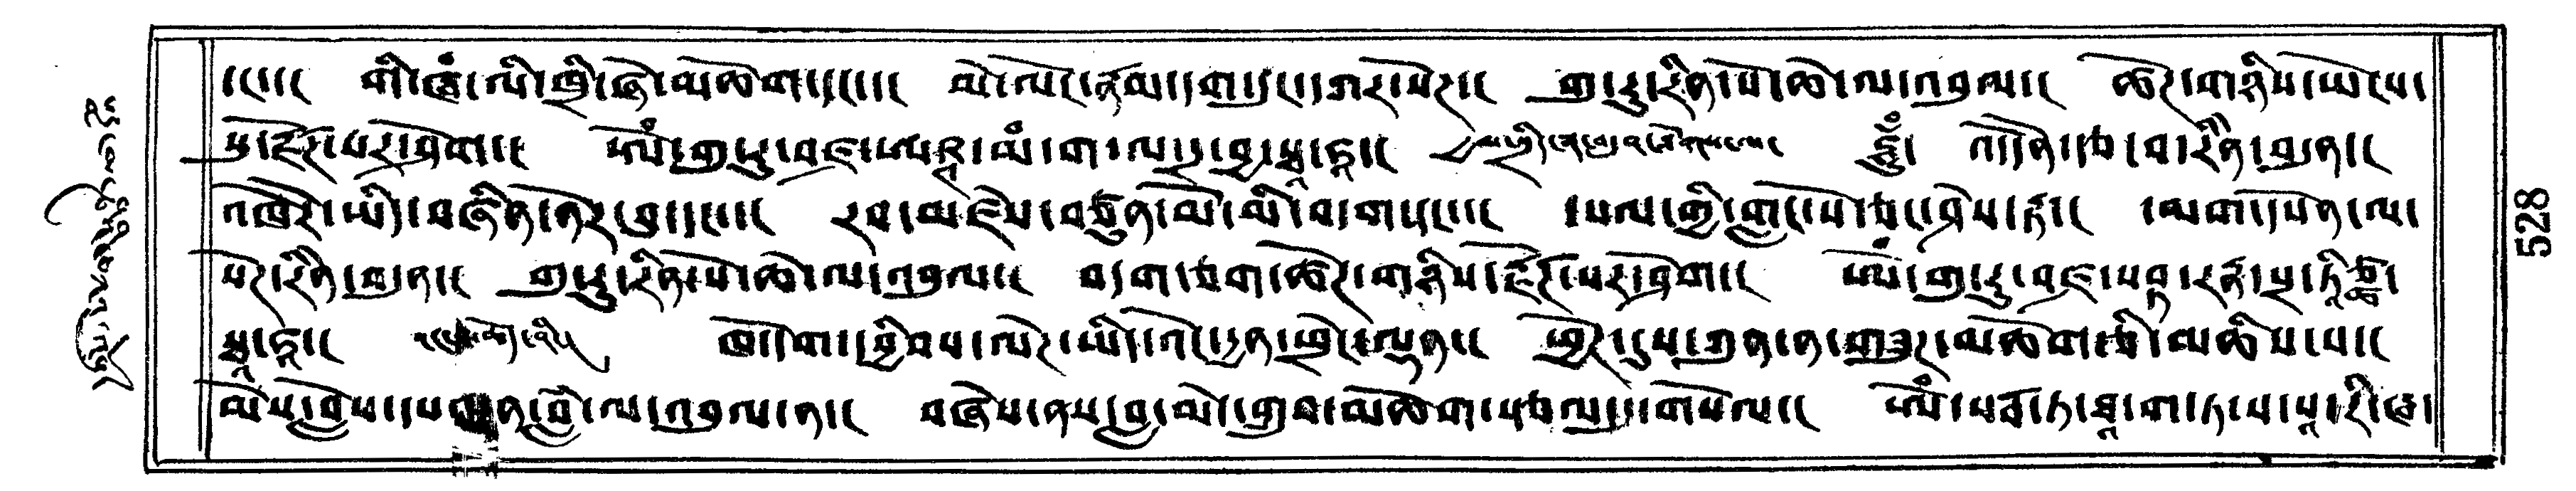དང་། །གི་ཝཾ་ལི་ཁྲི་ཞེ་མཆོག་དང་། །མེ་ལོང་རྣམ་དག་དུང་དཀར་སོགས། །གུ་རུ་རིན་པོ་ཆེ་ལ་འབུལ། །ཚོགས་གཉིས་ཡོངས་
སུ་རྫོགས་པར་ཤོག ཨོཾ་གུ་རུ་བཛྲ་ཨཥྚ་མངྒ་ལ་དྲ་བྱ་སྭ་ཧཱ། རྒྱལ་སྲིད་སྣ་བདུན་ཐོགས་ལ། ཧཱུྃ། འདོད་ཡོན་རྩ་བ་རིན་ཆེན་བདུན། །
འཁོར་ལོ་ཡིད་བཞིན་ནོར་བུ་དང་། །རབ་མཛེས་བཙུན་མོ་མི་བདག་དང་། །དཔལ་གྱི་གླང་པོ་ཅང་ཤེས་རྟ། །དམག་དཔོན་ལ་
སོགས་རིན་ཆེན་བདུན། །གུ་རུ་རིན་པོ་ཆེ་ལ་འབུལ། །བདག་ཅག་ཚོགས་གཉིས་རྫོགས་པར་ཤོག ཨོཾ་གུ་རུ་བཛྲ་སབྟ་རཏྣ་པྲ་ཏཱིཙྪ་
སྭཱ་ཧཱ།ནང་མཆོད་ནི། ཁ་དོག་དབྱིབས་ལེགས་ཡིད་འོང་རྒྱན་ཕྲེང་ལྡན། །ཕྱོགས་དུས་ཀུན་ན་གཟུགས་མཆོག་ཅི་མཆིས་པ། །
མོས་བློས་དཔལ་ལྡན་བླ་མ་འབུལ་ན། །བཞེས་ནས་བླ་མེད་གྲུབ་མཆོག་བསྩལ་དུ་གསོལ།ཨོཾ་སརྦ་ཏ་ཐཱ་ག་ཏ་ས་པཱ་རི་ཝ་